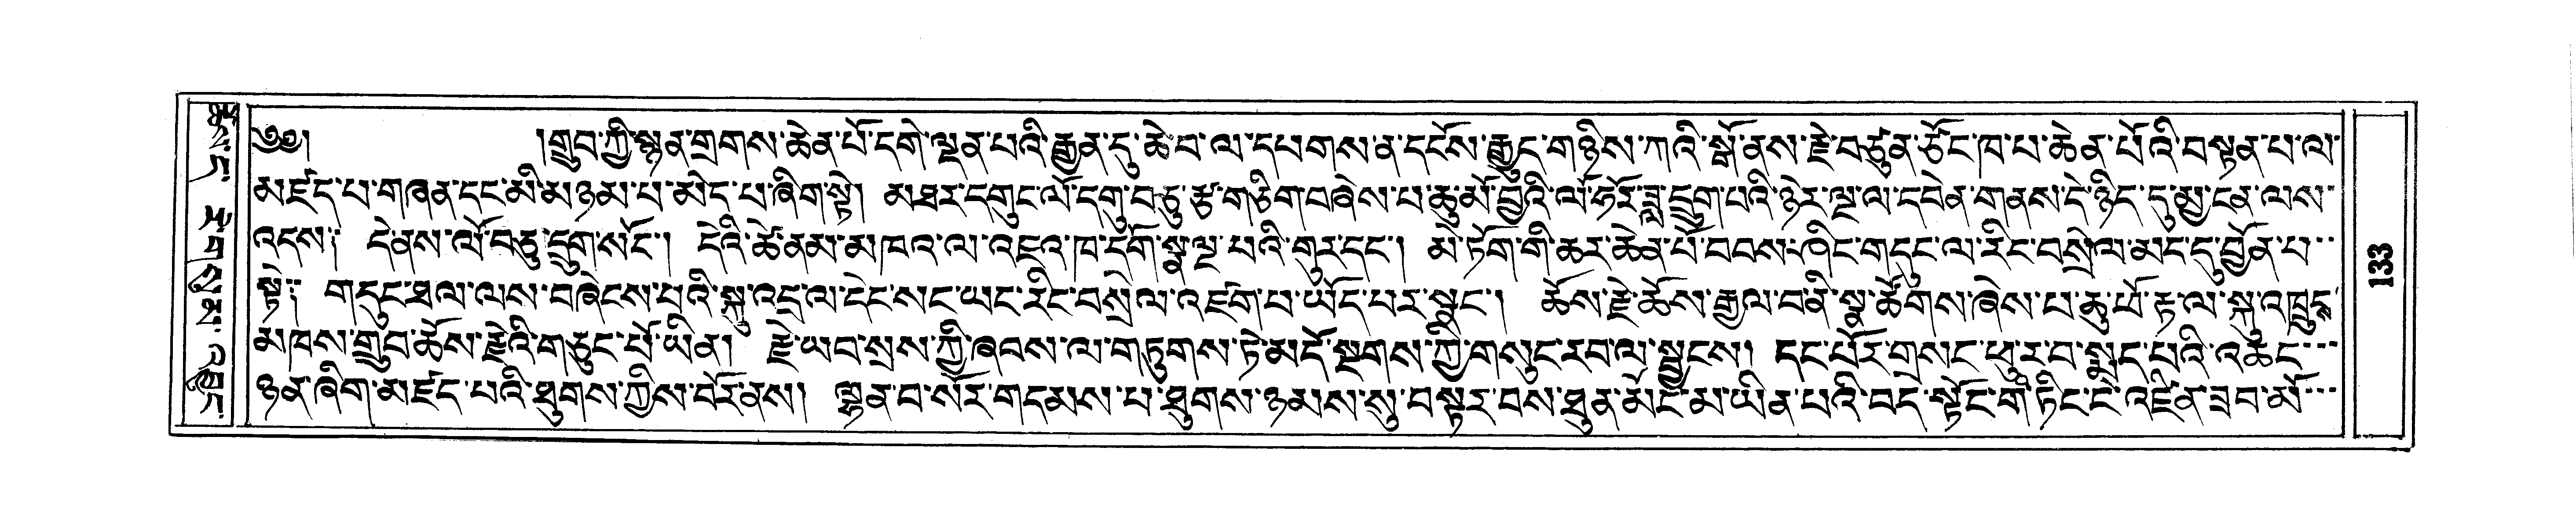༄༅། །གྲུབ་ཀྱི་སྙན་གྲགས་ཆེན་པོ་དགེ་ལྡན་པའི་རྒྱན་དུ་ཆེ་བ་ལ་དཔགས་ན་དངོས་རྒྱུད་གཉིས་ཀའི་སྒོ་ནས་རྗེ་བཙུན་ཙོང་ཁ་པ་ཆེན་པོའི་བསྟན་པ་ལ་
མཛད་པ་གཞན་དང་མི་མཉམ་པ་མེད་པ་ཞིག་སྟེ། མཐར་དགུང་ལོ་དགུ་བཅུ་རྩ་གཅིག་བཞེས་པ་ཆུ་མོ་བྱའི་ལོ་ཧོར་ཟླ་དྲུག་པའི་ཉེར་ལྔ་ལ་དབེན་གནས་དེ་ཉིད་དུ་མྱ་ངན་ལས་
འདས༑ དེ་ནས་ལོ་བཅུ་དྲུག་སོང་། དེའི་ཚེ་ནམ་མཁའ་ལ་འཇའ་ཁ་དོག་སྣ་ལྔ་པའི་གུར་དང་། མེ་ཏོག་གི་ཆར་ཆེན་པོ་བབས་ཤིང་གདུང་ལ་རིང་བསྲེལ་མང་དུ་བྱོན་པ་
སྟེ༑ གདུང་ཐལ་ལས་བཞེངས་པའི་སྐུ་འདྲ་ལ་དེང་སང་ཡང་རིང་བསྲེལ་འཛག་པ་ཡོད་པར་སྣང་། ཆོས་རྗེ་ཆོས་རྒྱལ་བ་ནི་སྣ་ཚོགས་ཞེས་པ་ཆུ་ཕོ་རྟ་ལ་སྐུ་འཁྲུངས་
མཁས་གྲུབ་ཆོས་རྗེའི་གཅུང་པོ་ཡིན། རྗེ་ཡབ་སྲས་ཀྱི་ཞབས་ལ་གཏུགས་ཏེ་མདོ་སྔགས་ཀྱི་གསུང་རབ་ལ་སྦྱངས། དང་པོར་གསང་ཕུ་ར་བ་སྨད་པའི་འཆང་
ཉན་ཞིག་མཛད་པའི་ཐུགས་ཀྱིས་བོར་ནས། ལྷན་བ་སོར་གདམས་པ་ཐུགས་ཉམས་སུ་བསྟར་བས་ཐུན་མོང་མ་ཡིན་པའི་བད?་སྟོང་གི་ཏིང་ངེ་འཛིན་ཟབ་མོ་